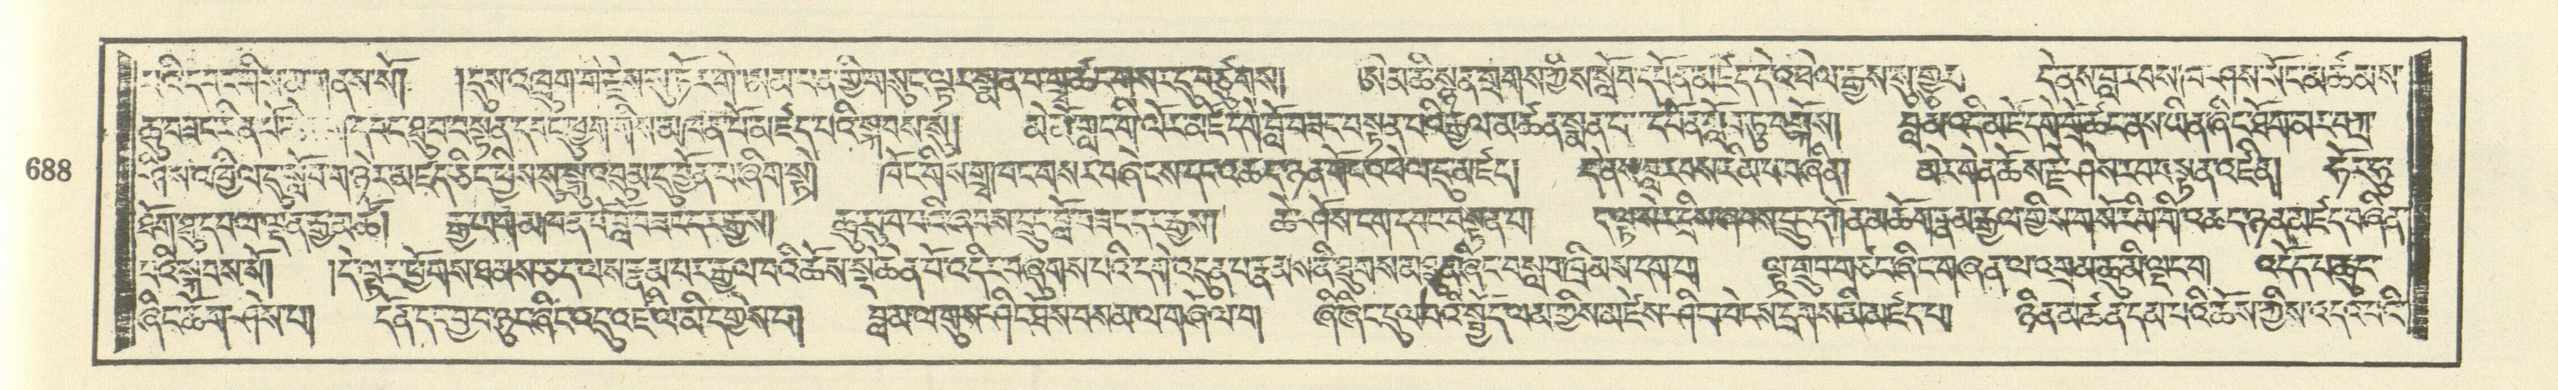པའི་དབང་གིས་མ་གནས་སོ། །དུས་འཁྲུག་གི་རྗེས་སུ་ཏོར་གེ་ཨམ་བན་གྱི་གསུང་ལྟར་སྨན་པ་གྲྭ་ཚང་གསར་དུ་བཙུགས། ཨེམ་ཆི་སྙན་གྲགས་ཀྱིས་སློབ་དཔོན་མཛད་དེ་འཕེལ་རྒྱས་སུ་གྱུར། དེ་ནས་བླ་རབས་ཁ་ཤས་སོང་མཚམས་
ཆུ་བཟང་རིན་པོ་ཆེ་ངག་དབང་ཐུབ་བསྟན་དབང་ཕྱུག་གིས་མཁན་པོ་མཛད་པའི་སྐབས་སུ། མེ་མོ་གླང་གི་ལོར་མཛོ་དགེ་བློ་བཟང་བསྟན་པའི་རྒྱལ་མཚན་སྨན་པ་དཔོན་སློབ་ཏུ་བསྐོས། བླ་མ་འདི་མཛོ་དགེ་གྲོ་ཚང་ནས་ཡིན་ཞིང་ཐོག་མར་བཀྲ་
ཤིས་འཁྱིལ་དུ་སློབ་གཉེར་མཛད་ཅིང་ཕྱིས་སུ་སྐུ་འབུམ་དུ་བྱོན་པ་ཞིག་སྟེ། ཁོང་གིས་གྲྭ་ཁང་གསར་བཞེངས་དང་འཆད་ཉན་གོང་འཕེལ་དུ་མཛད། དེ་ནས་བླ་རབས་རིམ་པ་བཞིན། མེར་གེན་ཆོས་རྗེ་ཤེས་རབ་བསྟན་འཛིན། ཧོར་ཧུ་
ཐོག་ཐུ་དཔལ་ལྡན་རྒྱ་མཚོ། རྒྱ་ཡིག་མཁན་པོ་བློ་བཟང་དར་རྒྱས། ཆུ་རུ་ཁ་པའི་ཞབས་དྲུང་བློ་བཟང་དར་རྒྱས། ཆེ་ཤོས་ངག་དབང་བསྟན་པ། ད་ལྟ་སེར་དྲིས་ཞབས་དྲུང་དཀོན་མཆོག་རྣམ་རྒྱལ་གྱིས་གསོ་རིག་གི་འཆད་ཉན་མཛད་བཞིན་
པའི་སྐབས་སོ། །དེ་ལྟར་ཕྱོགས་ཐམས་ཅད་ལས་རྣམ་པར་རྒྱལ་བའི་ཆོས་སྡེ་ཆེན་པོ་འདིར་བཞུགས་པའི་དགེ་འདུན་པ་རྣམས་ནི་ཐུགས་མཐུན་ཞིང་བསླབ་ཁྲིམས་དག་པ། ལྟ་གྲུབ་གཙང་ཞིང་གཞན་ལ་འགྲམ་ཆུ་མི་ལྡང་བ། འདོད་པ་ཆུང་
ཞིང་ཆོག་ཤེས་པ། དོན་དང་བྱ་བ་ཉུང་ཞིང་འདུ་འཛིལ་མི་དགྱེས་པ། བླ་མ་ལ་གུས་ཤིང་ཐོས་བསམ་ལ་གཞོལ་བ། ཞི་ཞིང་དུལ་བའི་སྤྱོད་ལམ་གྱིས་མཛེས་ཤིང་ཁེངས་དྲེགས་མི་མཛད་པ། ཉིན་མཚན་དམ་པའི་ཆོས་ཀྱིས་འདའ་བའི་